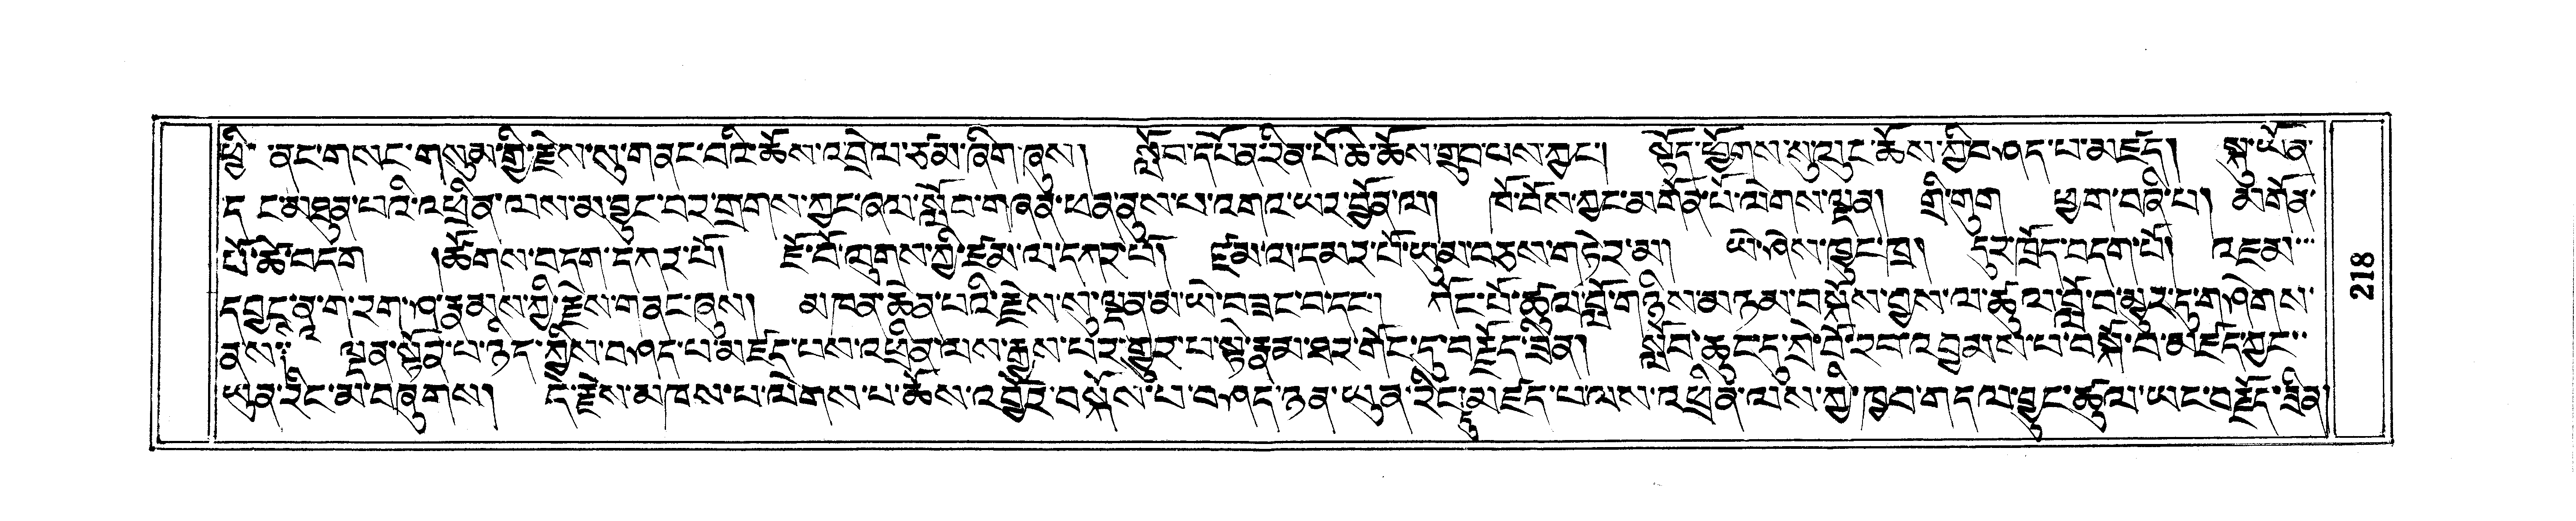ཕྱི་ནང་གསང་གསུམ་གྱི་རྗེས་སུ་གནང་བའི་ཆོས་འབྲེལ་ཙམ་ཞིག་ཞུས། སློབ་དཔོན་རིན་པོ་ཆེ་ཆོས་གྲུབ་པས་ཀྱང་། སྟོད་ཕྱོགས་སུ་ལུང་ཆོས་ཀྱི་བཤད་པ་མཛད། སྐུ་ཡོན་
དང་མཐུན་པའི་འཕྲིན་ལས་མ་བྱུང་བར་གྲགས་ཀྱང་ཞལ་སློབ་གཞན་ཕན་ནུས་པ་འགའ་ཡར་བྱོན་ལ། ཁོ་བོས་ཀྱང་མགོན་པོ་ལེགས་ལྡན། གྲི་གུག་ཕྱག་བཞི་པ། མགོན་
པོ་ཚེ་བདག །ཚོགས་བདག་དཀར་པོ། ཇོ་བོ་ལུགས་ཀྱི་ཛམ་ལ་དཀར་པོ། ཛམ་ལ་དམར་པོ་ཡུམ་བཅས་གཏེར་མ། ཡེ་ཤེས་ཁྱུང་ཁྲ། དུར་ཁྲོད་བདག་པོ། འཇམ་
དབྱངས་ནཱ་ག་རག་ཤ་རྣམས་ཀྱི་རྗེས་གནང་ཞུས། མཁན་ཆེན་པའི་རྗེས་སུ་ལྡན་མ་ཡེ་བཟང་བ་དང་། ཀོང་པོ་ཚུལ་བློ་གཉིས་མཉམ་བསྐོས་བྱས་ལ་ཚུལ་བློ་བ་མྱུར་དུ་གཤེགས་
ནས༑ ལྡན་སྟོན་པ་ཉིད་ཀྱིས་བཤད་པ་མཛད་པས་འཕྲིན་ལས་རྒྱས་པར་གྱུར་པ་སྟེ་རྣམ་ཐར་གོང་དུ་བརྗོད་ཟིན། སློབ་ཆུང་དུ་ཀྲེ་བོ་རབ་འབྱམས་པ་བསྐོ་བ་མཛད་ཀྱང་
ཡུན་རིང་མ་བཞུགས། དེ་རྗེས་མཁས་པ་ལེགས་པ་ཆོས་འབྱོར་བསྐོས་པ་བཤད་ཉན་ཡུན་རིང་དུ་མཛད་པ་ལས་འཕྲིན་ལས་ཀྱི་ཁྱབ་གདལ་བྱུང་ཚུལ་ཡང་བརྗོད་ཟིན།